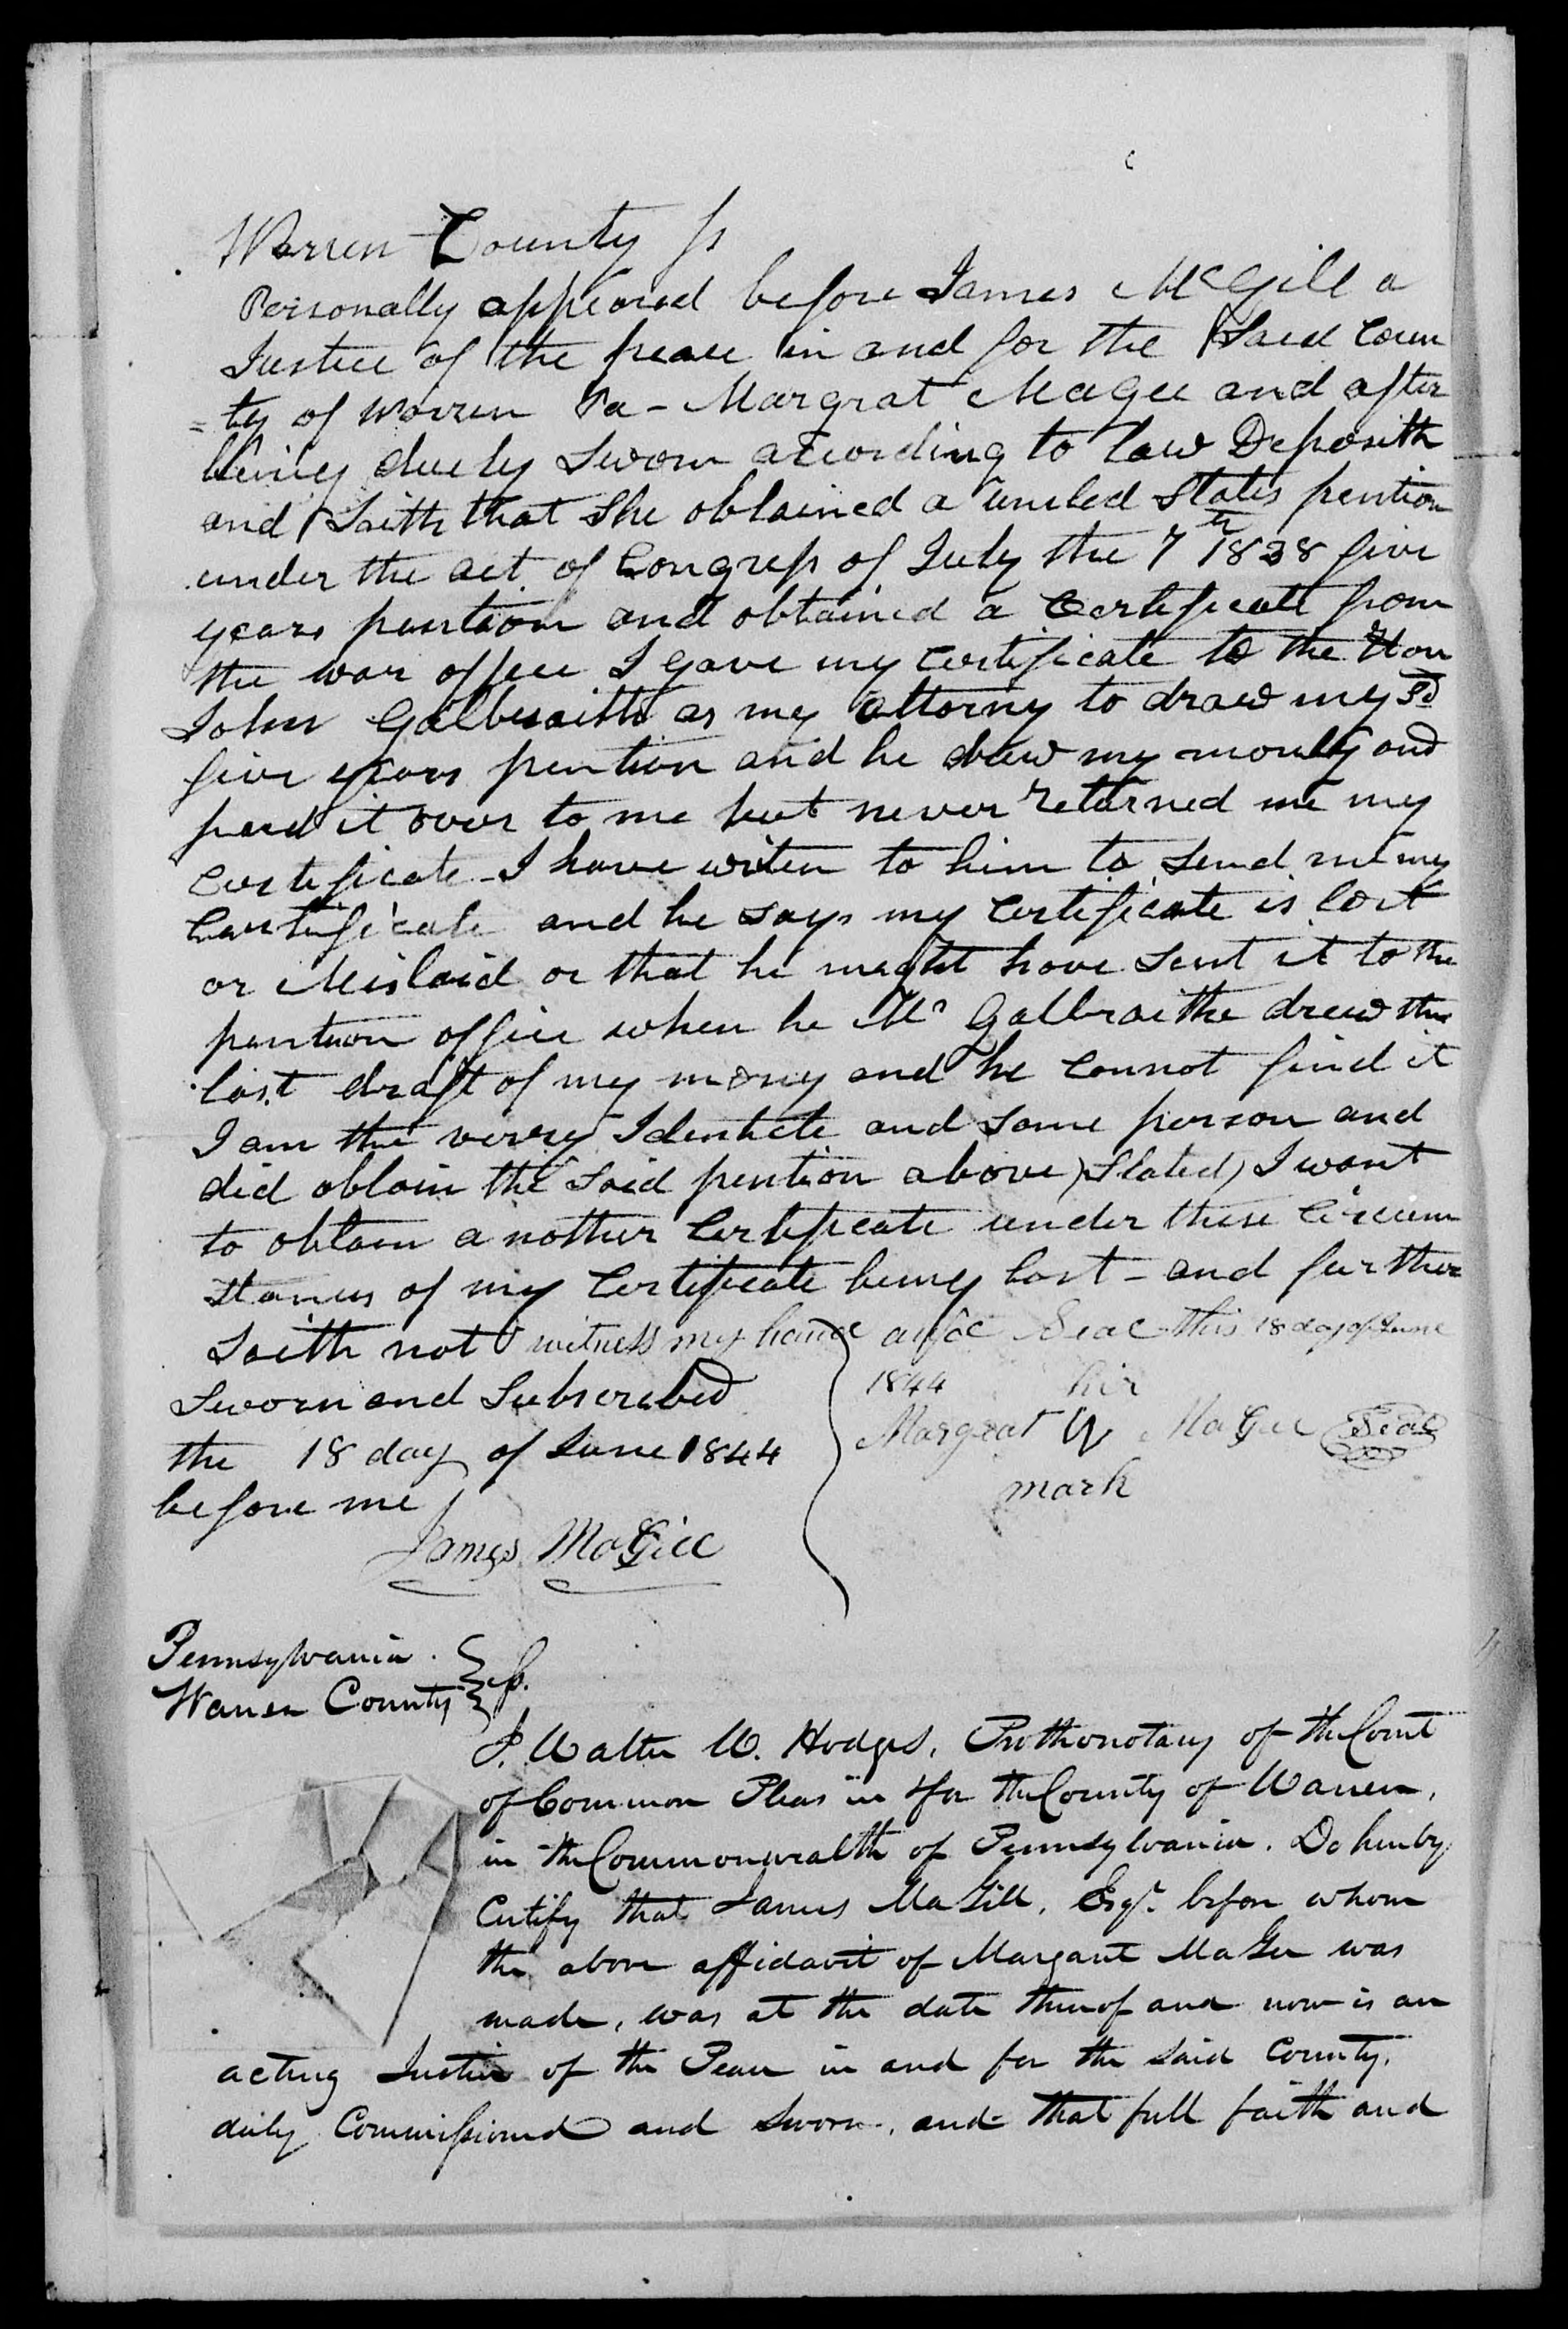Warren County
Personally appeared befoer james McGiIl a Justice of the Peace in and for the said county of Warren a Margrat Magee and after duly sworn according to law deposited and saith that she obtained a United States pensiom undr the act of Congress of July 7 1828 five years pension? and obtained a certificate from  the war office.  I gave my certificate to the Hon. John Galbraith as my attorney to draw my  five year pension and he [] my monthly and  handed it over to me but never returned my certificiate. I have writtend to him several times and he says my certificate is lost or mislaid or that he might have sent it to the pension office when he Mr. Galbraith drew the last draft of my money and he cannot fine it. I am the very identicall and same person and did obtian the said pension above stated, I want to obtain another certificate under these circumstance of my certificate being lost and further 
Faith not witness my [     ]  Seac this 18 day 
sworn and subscribed        of June 1844
trhe 18th day of June 184 4
before me
James McGill
                                          Margrat X Magee
                                                         Mark
Pennsylvania
Warren County

I Walter wl Hodges, Authority of the Court of Common Peace in and for the County of Warren in the Commonwealth of Pennsylvania do hereby certify that James McGill Esq before whom the above affidavie of Margrat MaGee was made was at the date therof and now is an acting Justice of the Peace in and for the said county duly comissioned and sworn and that full faith and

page: 61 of 77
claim: widow's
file: W 2954, for James Mc Gee, Delaware